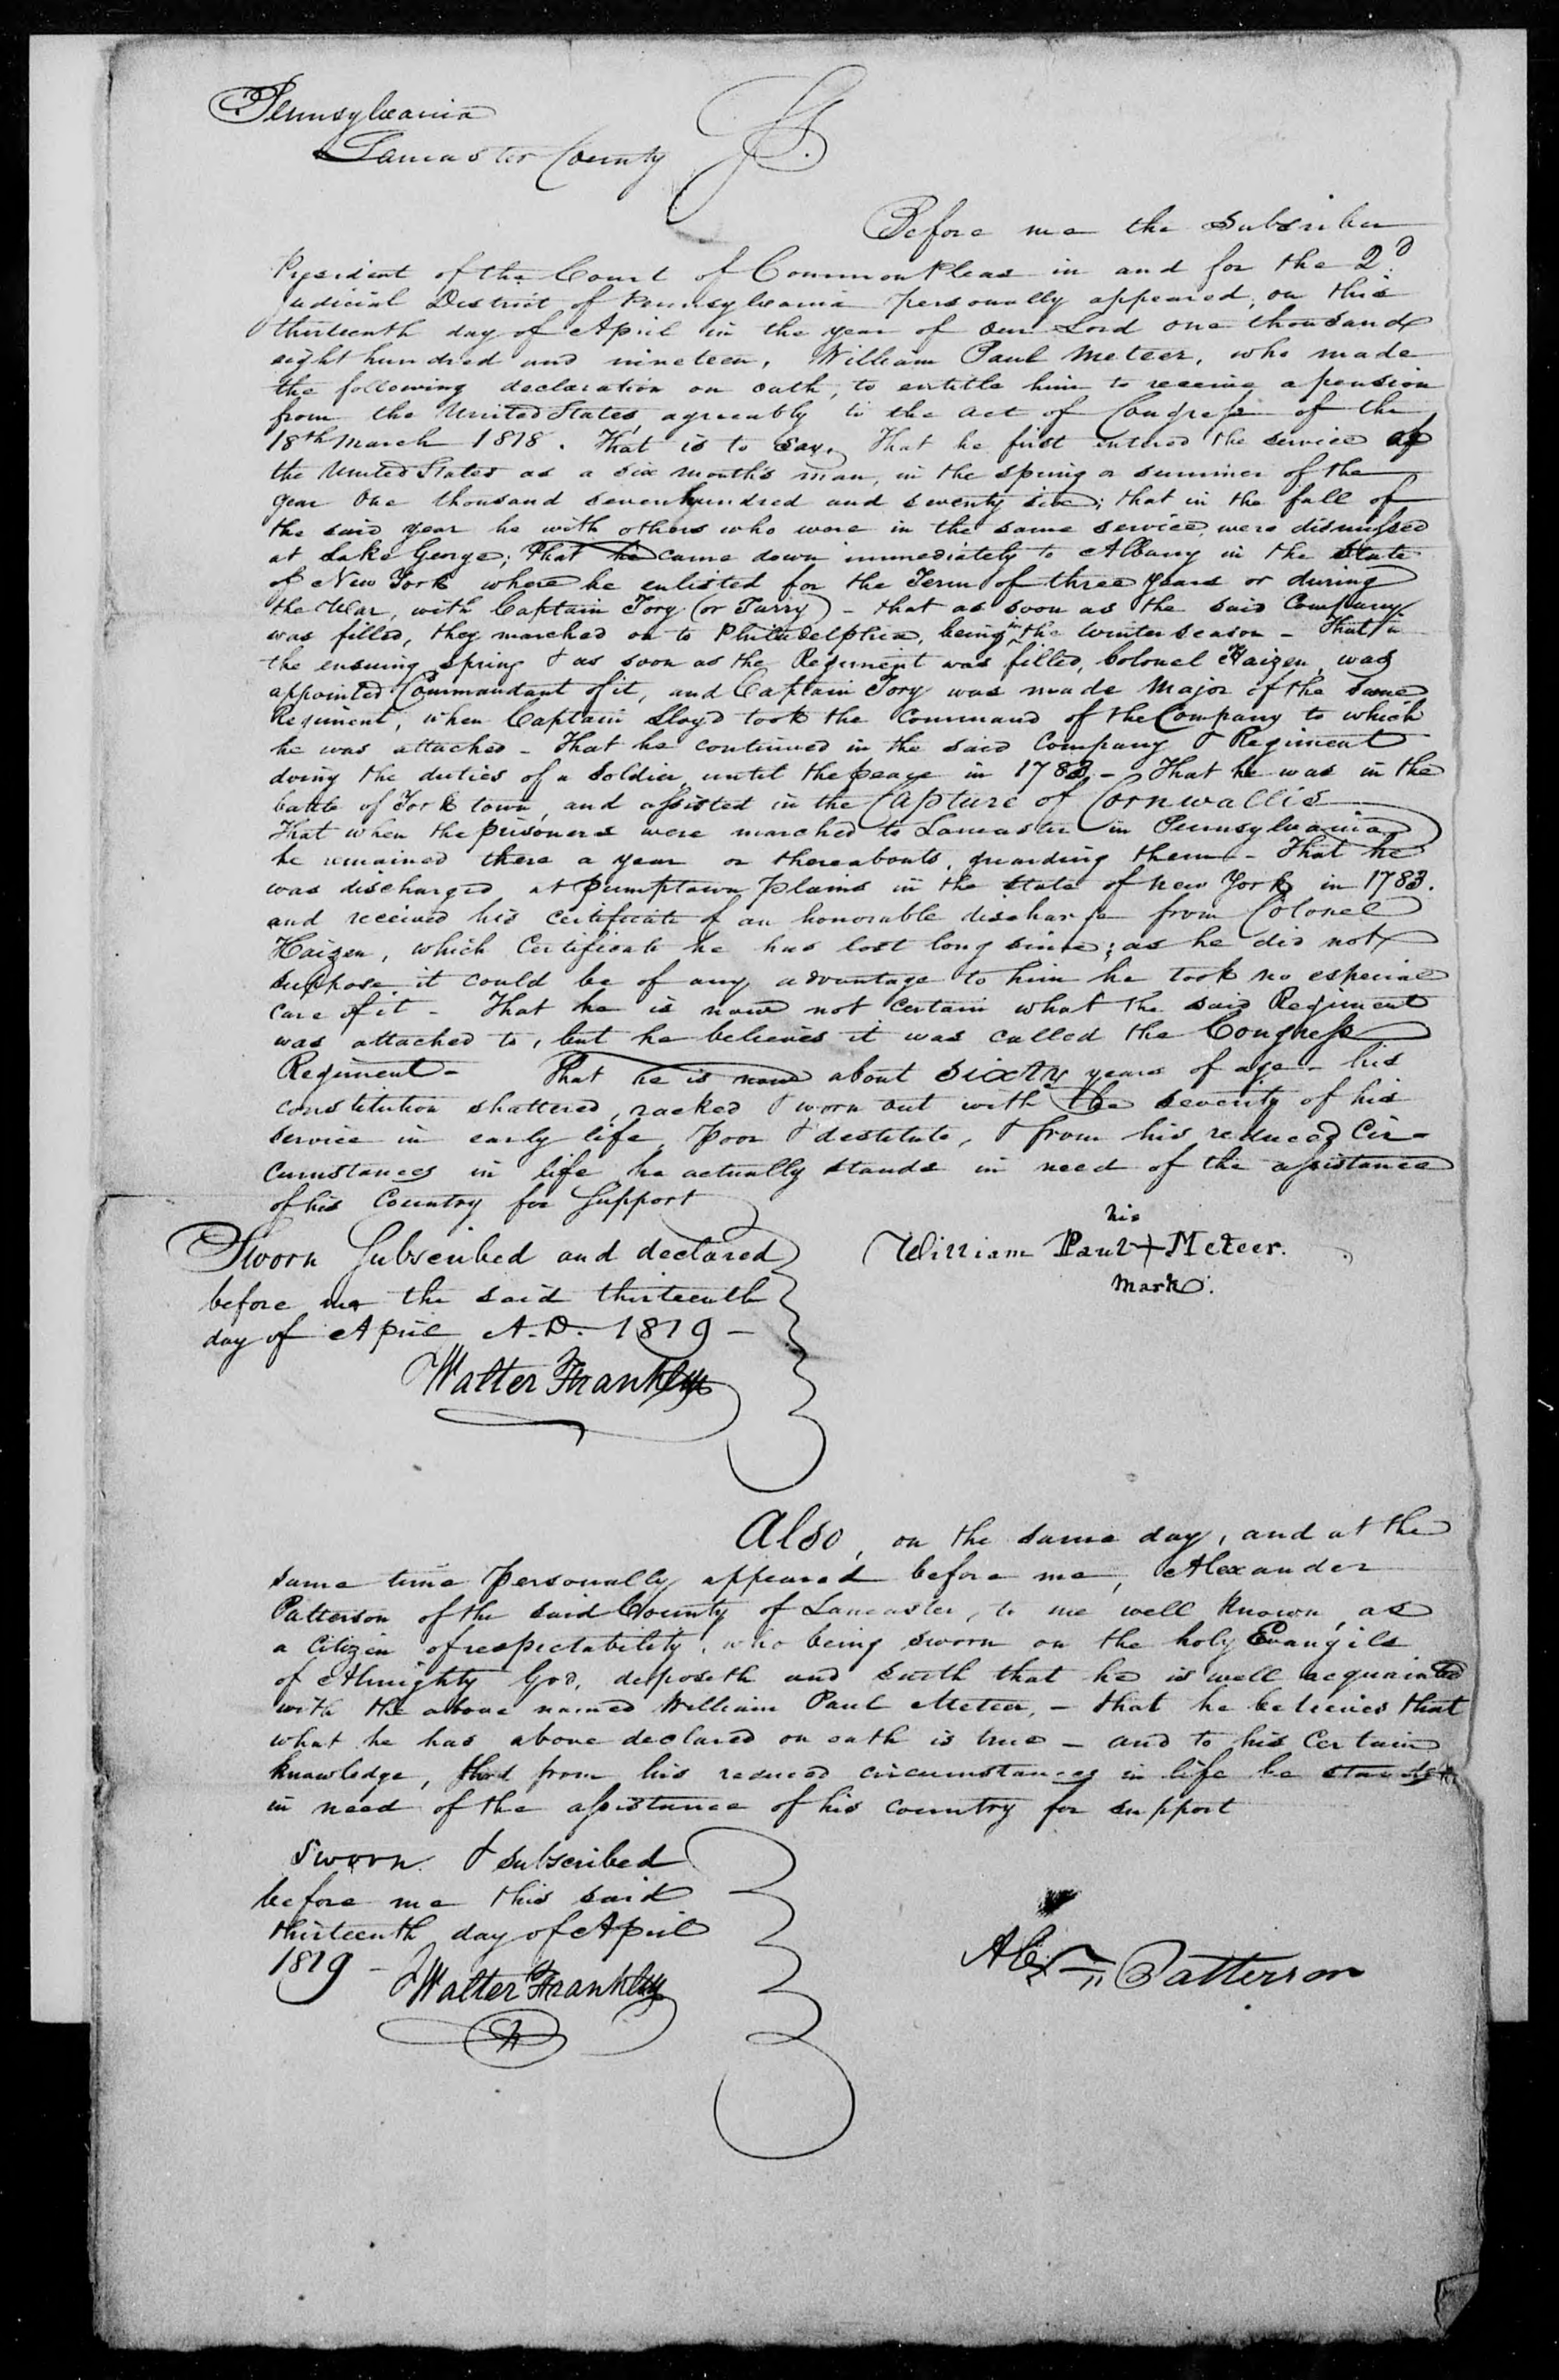Pennsylvania
Lancaster County ss.

    Before me the subscriber President of the Court of Common Pleas in and for 2d Judicial District of Pennsylvania personally appeared on this thirteenth day of April in the year of our Lord  one thousand , William Peight hundred and nineteen, William Paul Meteer, who made the following declaration on oath, to entitle him to receiving a pension from the United States agreeably to the Act of Congress of the 18th Match 1818.  That is to say that he first entered the service of the United States as a six months man, in the spring or summer of the year one thousand seven hundred and seventy six that in the fall of the said year he with others who were in the same service were (??) at Lake George; that he came down immediately to Albany in the state of New York where he enlisted for the term of three years or during Tory (or Turry) - that as soon as the said Company was filled, they marched on to Philadelphia, being in the winter season - That in the ensuing spring & as soon as the Regiment was made Major of the same Regiment, when Captain LLoyd took the Command of the Company to which to which he was attached.  That he continued in the said   Company & Regiment doing duties of a soldier until the spring in 1783 - That he was in the Battle of Yorktown and assisted in the capture of Cornwallis.  That when the prisoners were marched to Lancaster in Pennsylvania.  He remained there a year or thereabouts guarding them.  That he was discharged at Pumptown Plains in the State of New York in 1783 and received his certificate of an honorable discharge from Colonel Haizen, which certificate he has lost long since; as he did not suppose it could be of any advantage to him, he took no especial (sic) care of it.  That he is now not certain what the said regiment was attached to, but he believes it was called the Congress Regiment. That he is about sixty years of age, his constitution shattered, racked & worn out with the severity of his service in early life, poor & destitute & from his reduced circumstances in life he actually stands in need of the assistance of his country for support.

                                               his
                          William Paul   X  Meteer
                                               mark
Sworn & subscribed and declared 
before us the said thirteenth day of
Aoril A.D. 1819
//s//
Walter Franklin


    Also, on the same day and at the same time personally appeared before me, Alexander Patterson of the said county of Lancaster to me well known as a citizen of respectability who being sworn on the holy Evangelist of Almighty God, deposeth and saith that he is well acquainted with the above named William Paul Meteer - that he believes that what he has above declared on oath is here - and to his certain knowledge, that from his reduced circumstances in life he stand in need of the assistance of his country for support.
                                     //s//
                                 Ab. Patterson

Sworn & subscribed before me 
this said thirteenth day of April
1819.                    //s//
                      Walter Franklin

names: [BLANK] Tory; Walter Franklin; William Paul Meteer; [BLANK] Lloyd; [BLANK] Haizen; [BLANK] Tarry; Alexander Patterson; [BLANK] Cornwallis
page: 3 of 14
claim: survivor's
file: S. 40242, for William Palmiteer, Pennsylvania